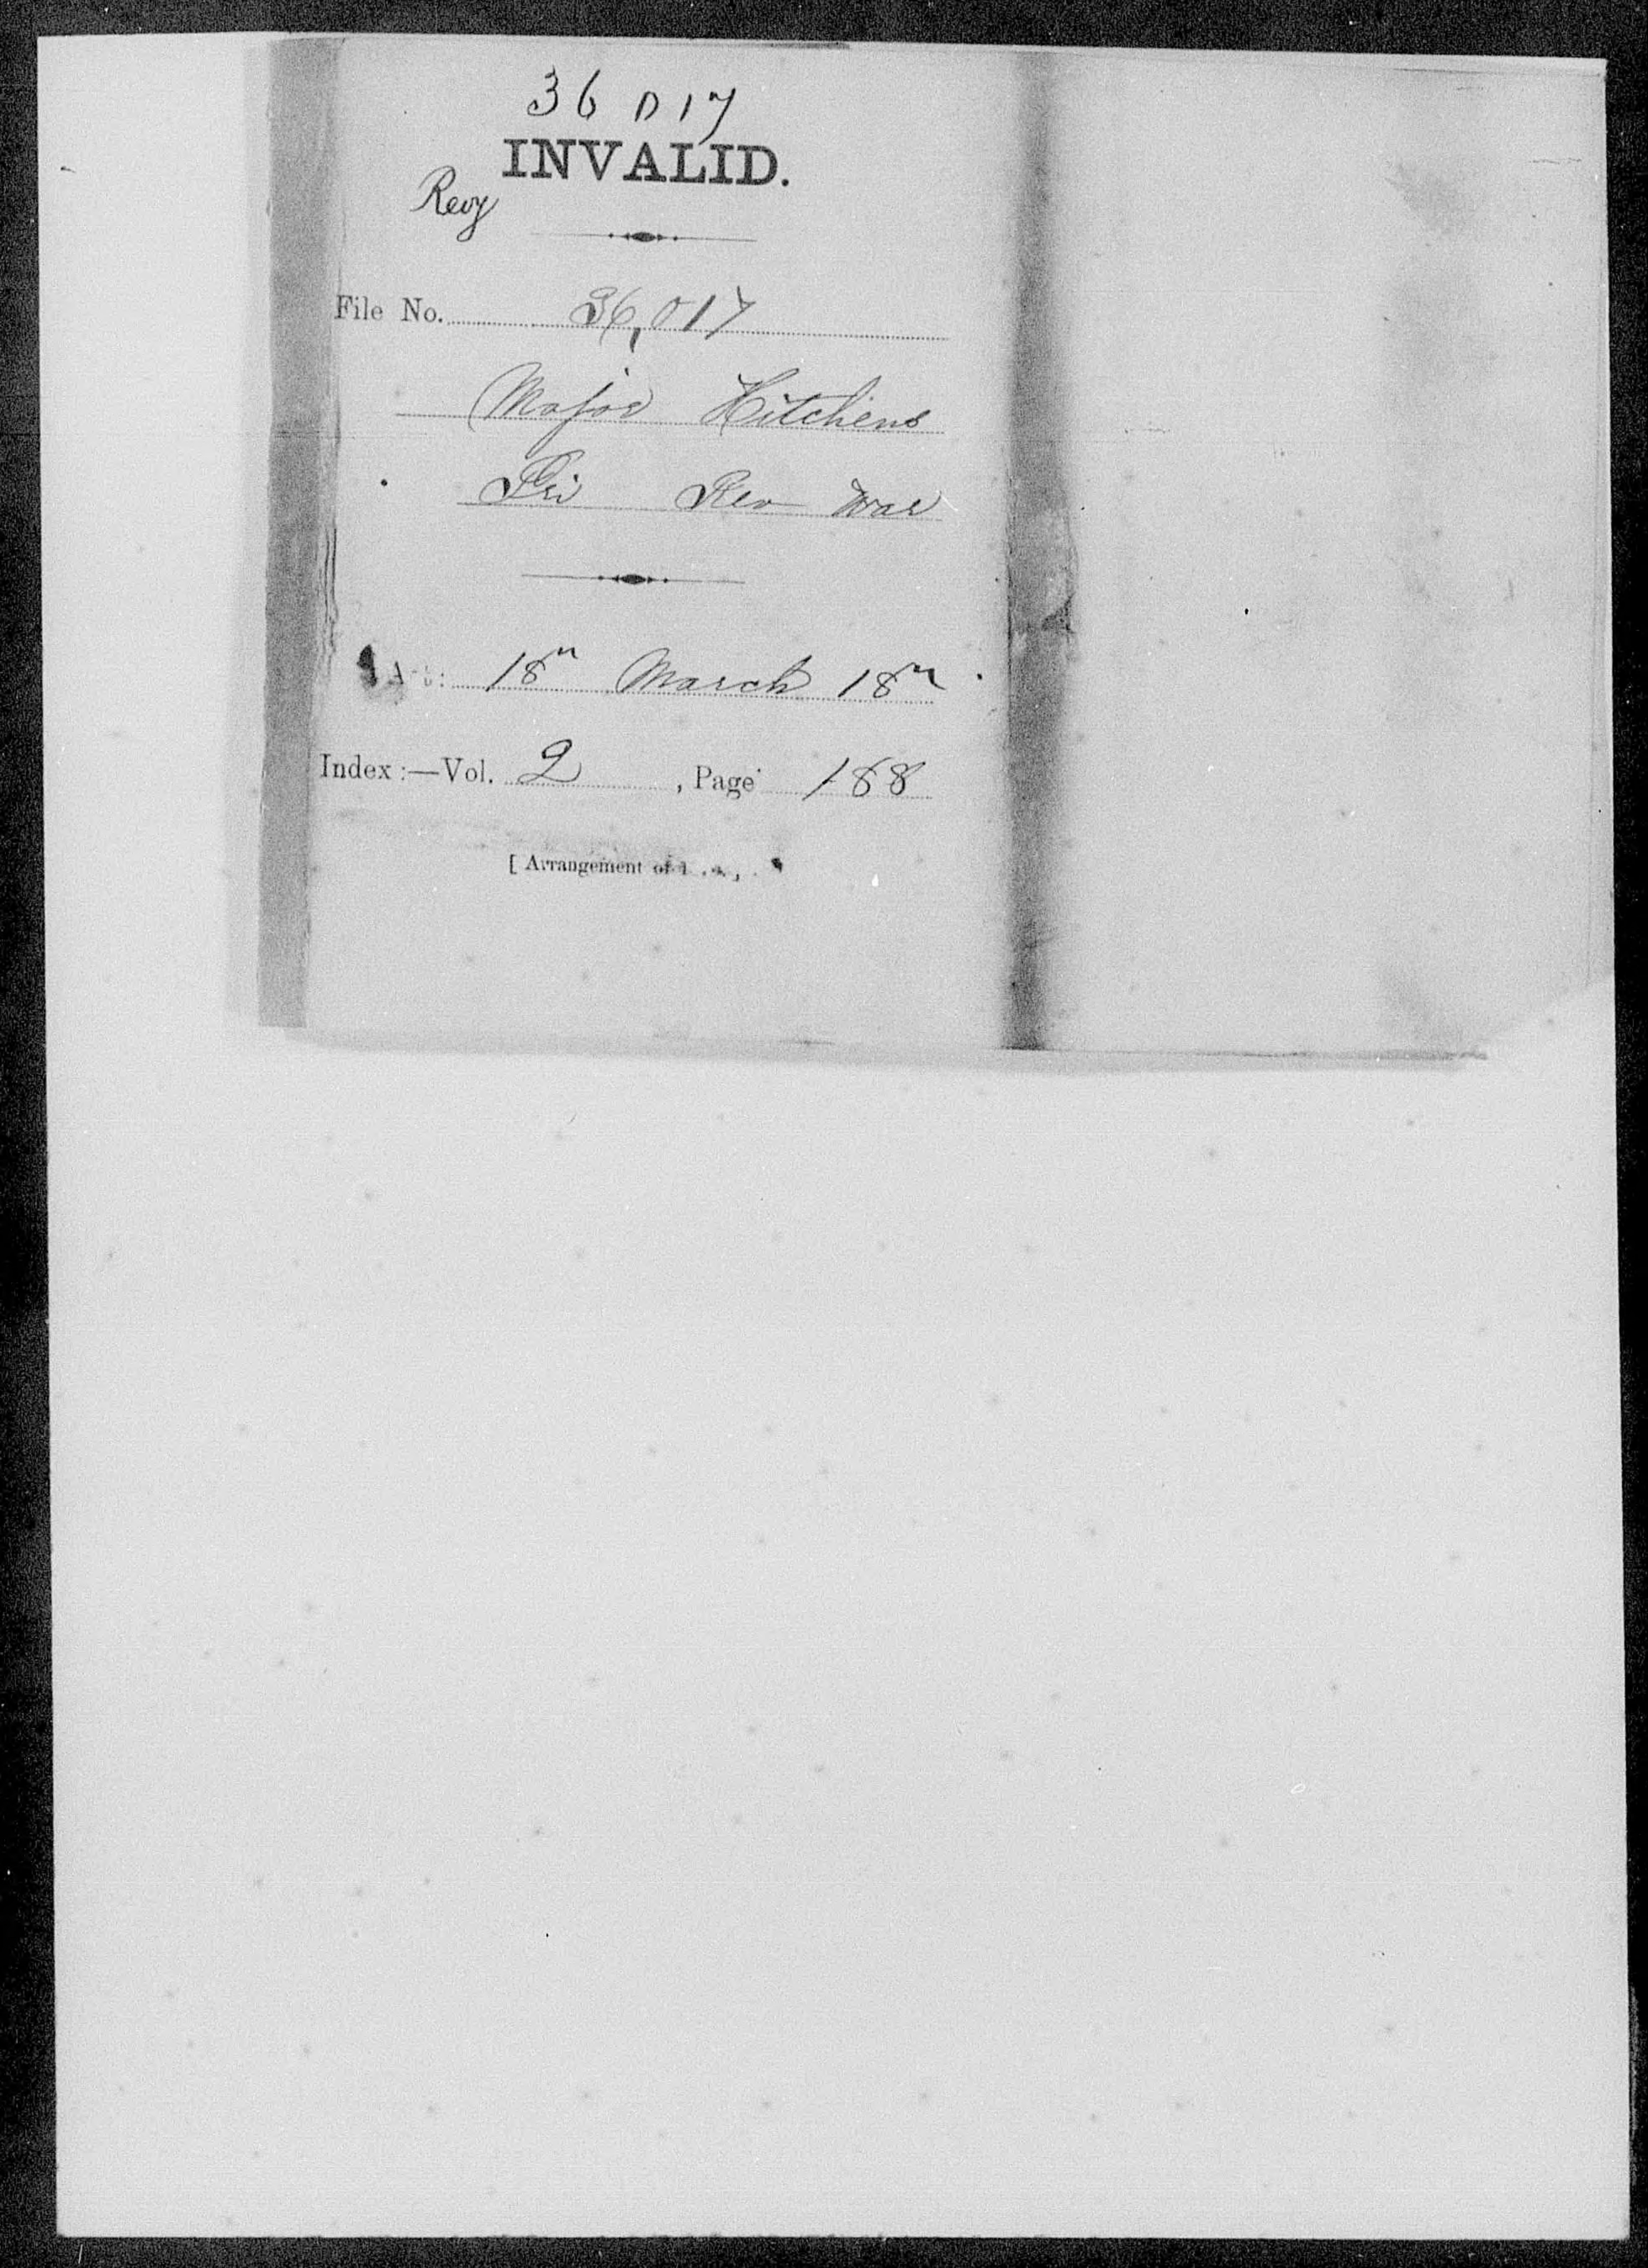36 017
INVALID.
Revy

File No. 36017
Mafo's Kitchens
The Rev War

18th March 18[ILLEGIBLE]
Index: - Vol. 2, Page 188

[ Arrangement of ,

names: Major Hitchens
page: 15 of 21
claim: survivor's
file: S. 36017, Major Hitchens, Del.